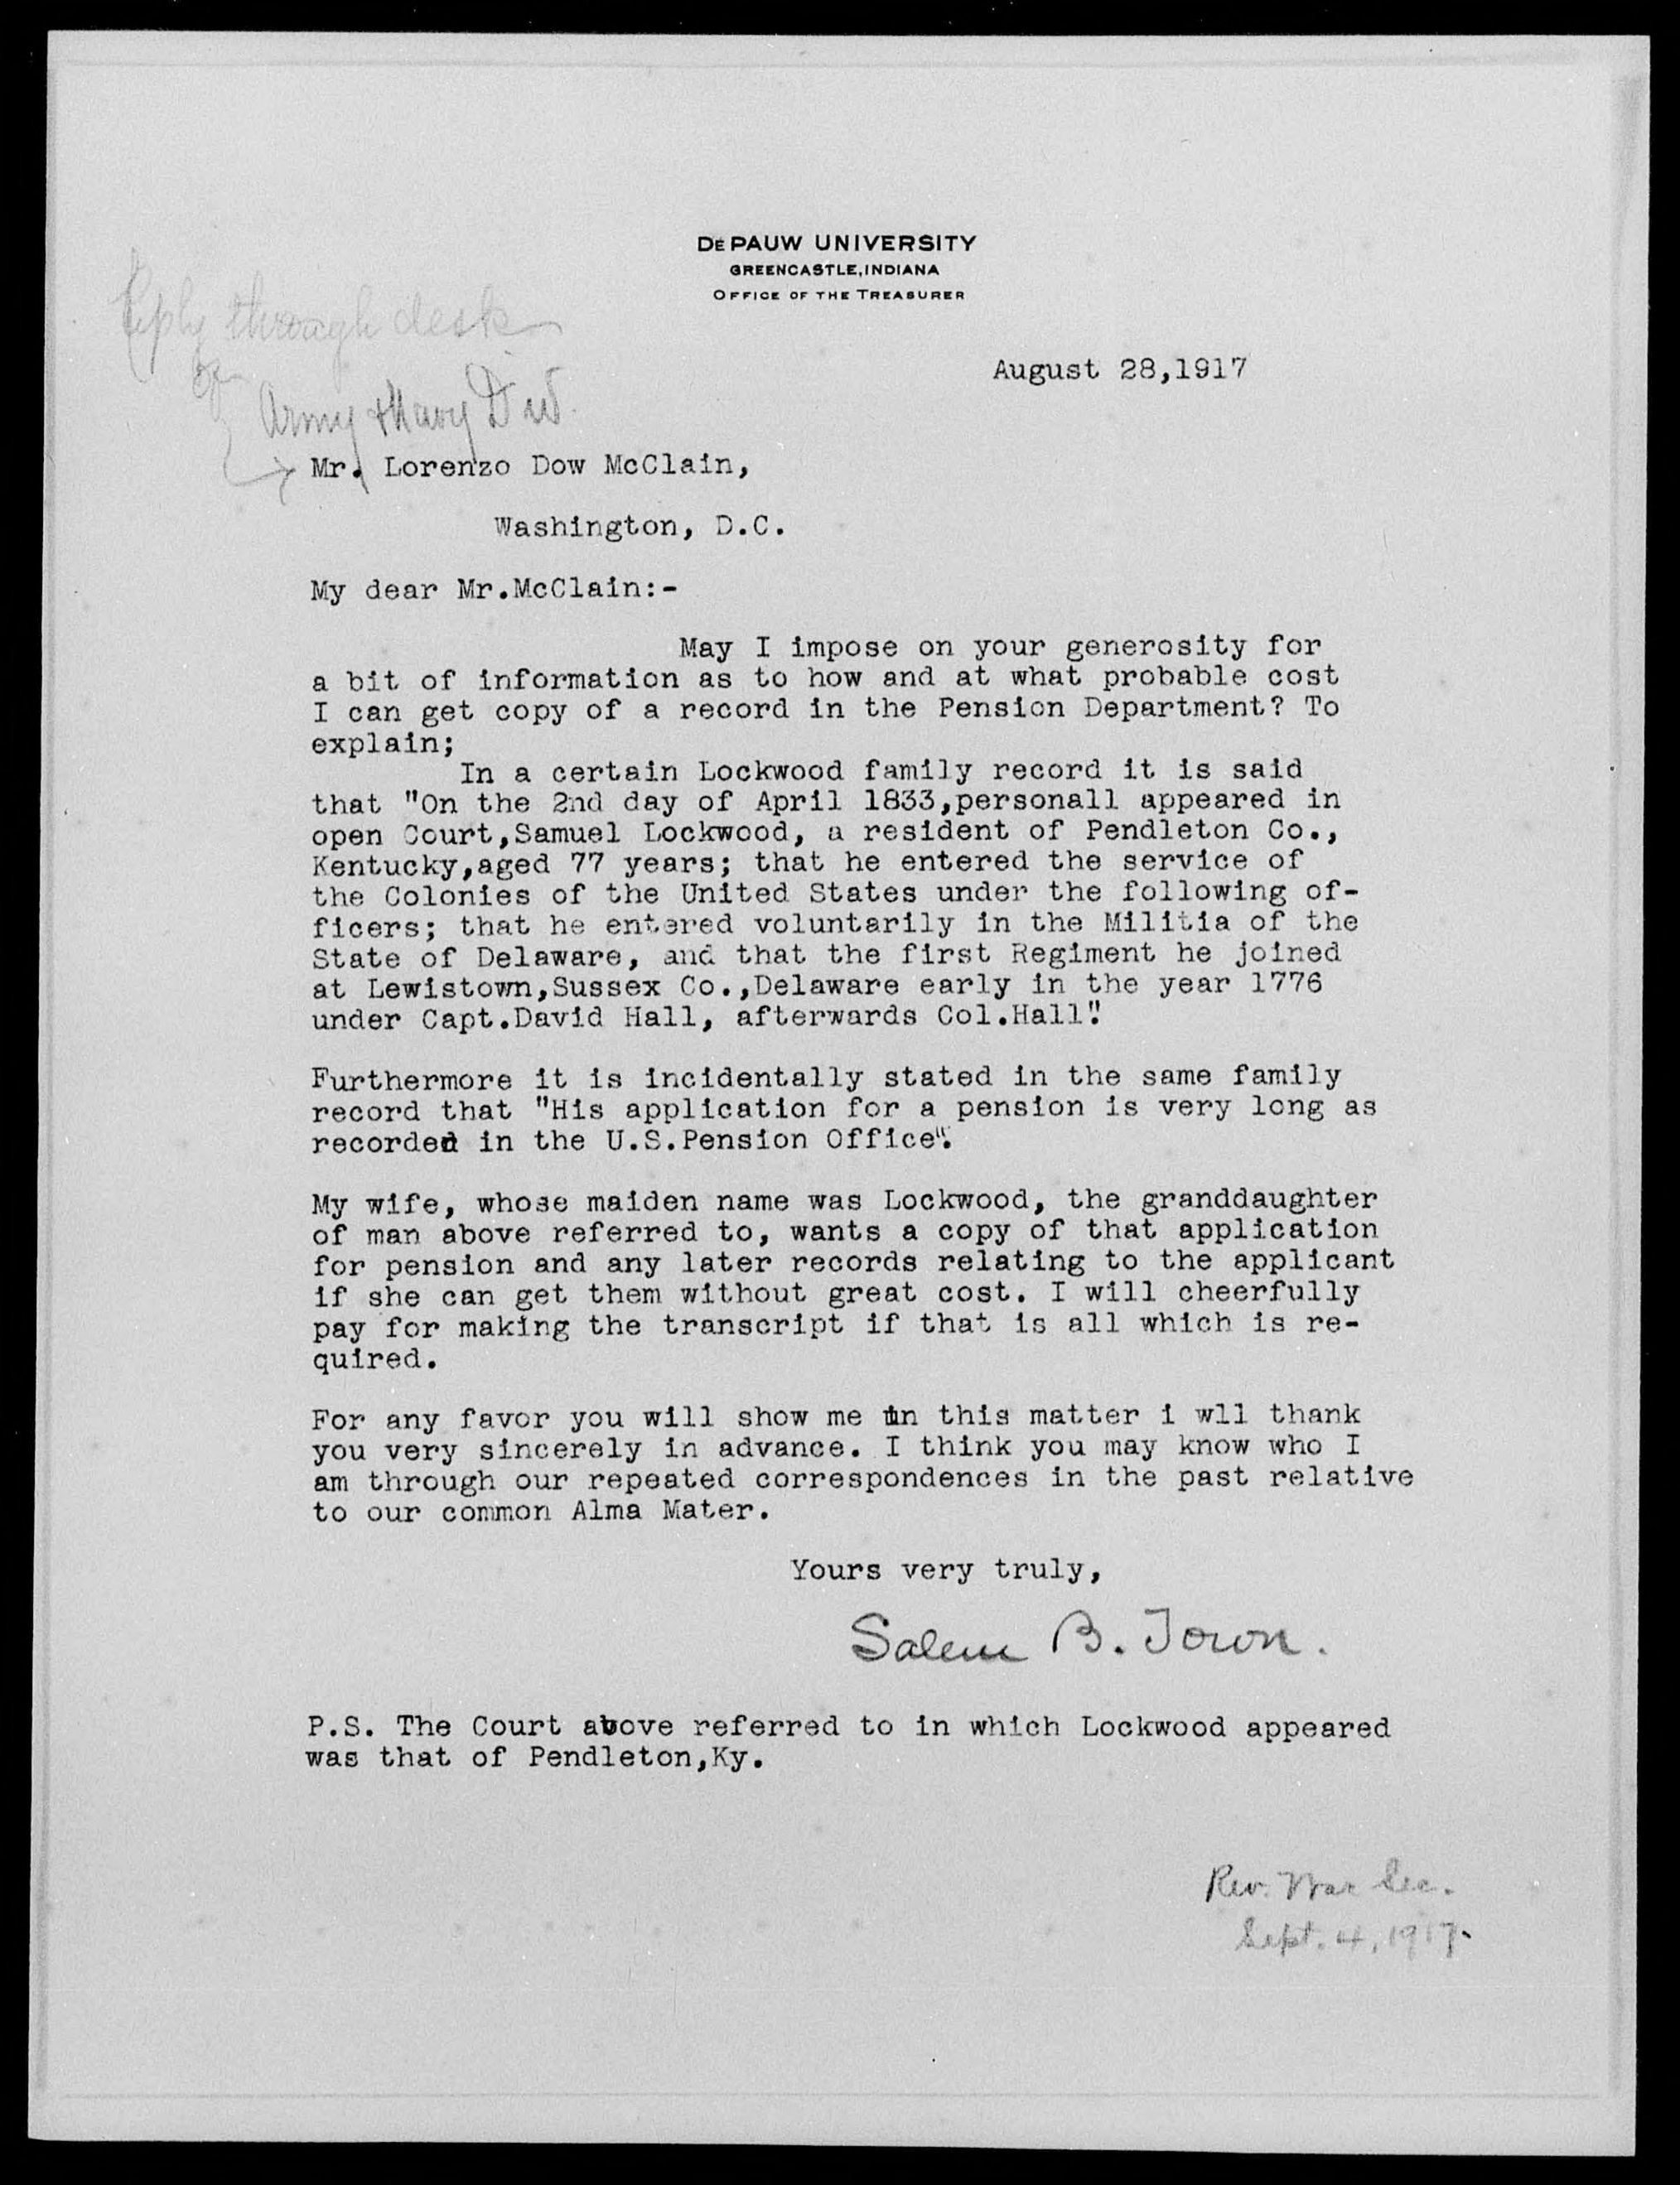DEPAUW UNIVERSITY
GREENCASTLE, INDIANA
OFFICE OF THE TREASURER

August 28, 1917

[handwritten note, arrow pointing to Mr. Lorenzo] Reply through desk
Of Army & Navy Div.
Mr. Lorenzo Dow McClain,
Washington, D.C.

My dear Mr. McClain: --
May I impose on your generosity for
a bit of information as to how and at what probable cost
I can get copy of a record in the Pension Department? To
explain;
In a certain Lockwood family record it is said
that "On the 2nd day of April 1833, personall appeared in
open Court, Samuel Lockwood, a resident of Pendleton Co.,
Kentucky, aged 77 years; that he entered the service of
the Colonies of the United States under the following officers;
that he entered voluntarily in the Militia of the
State of Delaware, and that the first Regiment he joined
at Lewistown, Sussex Co., Delaware early in the year 1776
under Capt. David Hall, afterwards Col. Hall.”

Furthermore it is incidentally stated in the same family
record that " His application for a pension is very long as
recorded in the U. S. Pension Office.”

My wife, whose maiden name was Lockwood, the granddaughter
of man above referred to, wants a copy of that application
for pension and any later records relating to the applicant
if she can get them without great cost. I will cheerfully
pay for making the transcript if that is all which is required.

For any favor you will show me in this matter I will thank
you very sincerely in advance. I think you may know who I
am through our repeated correspondences in the past relative
to our common Alma Mater.
Yours very truly,
Salem B. Town
P.S. The Court above referred to in which Lockwood appeared
was that of Pendleton, Ky.

Rev. War Sec.
Sept 14, 1917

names: Samuel Lockwood; Lorenzo Dow Mcclain; Salem B Town; David Hall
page: 23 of 25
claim: survivor's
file: S. 13789, for Samuel Lockwood, Delaware